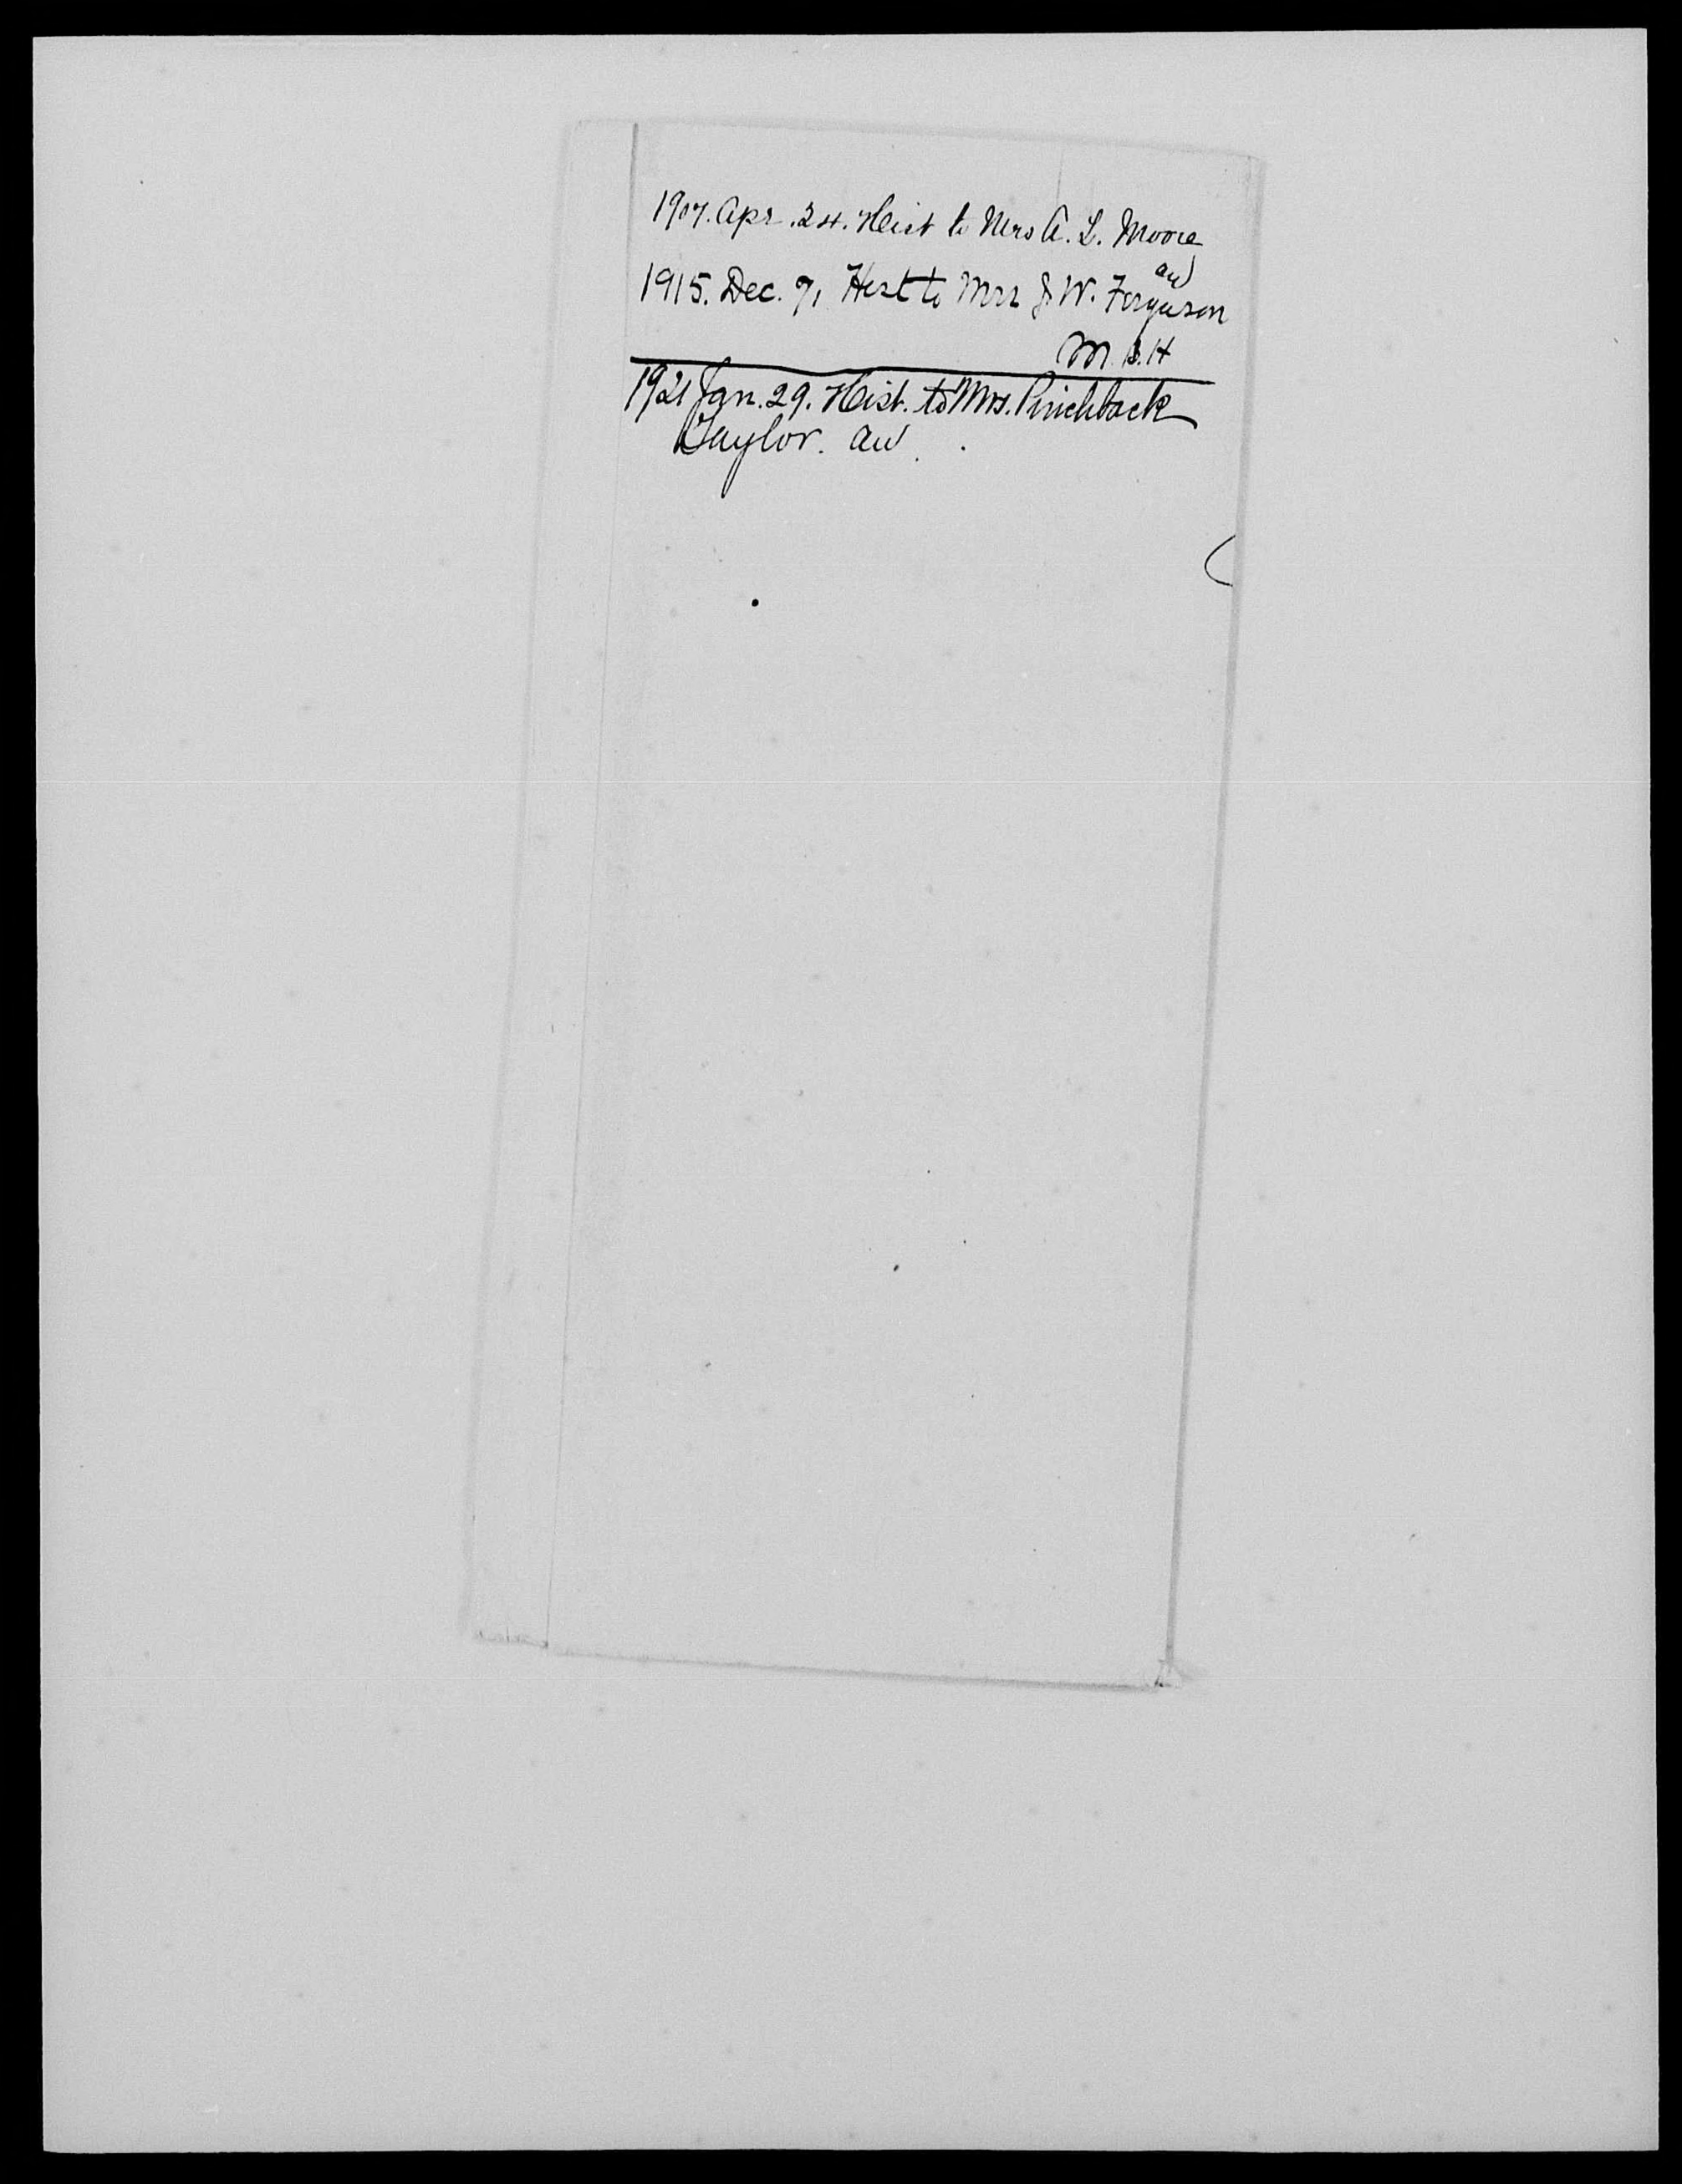1907. Apr. 24. Hist to Mrs A. G. Moore

1915. Dec. 7. Hist to Mrs. W. Ferguson
_______________________________
1921 Jan. 29. Hist. to Mrs. Pinchback
Taylor.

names: J W Ferguson; Pinchback Taylor; A L Moore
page: 14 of 17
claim: rejected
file: R 7329, for James More, South Carolina